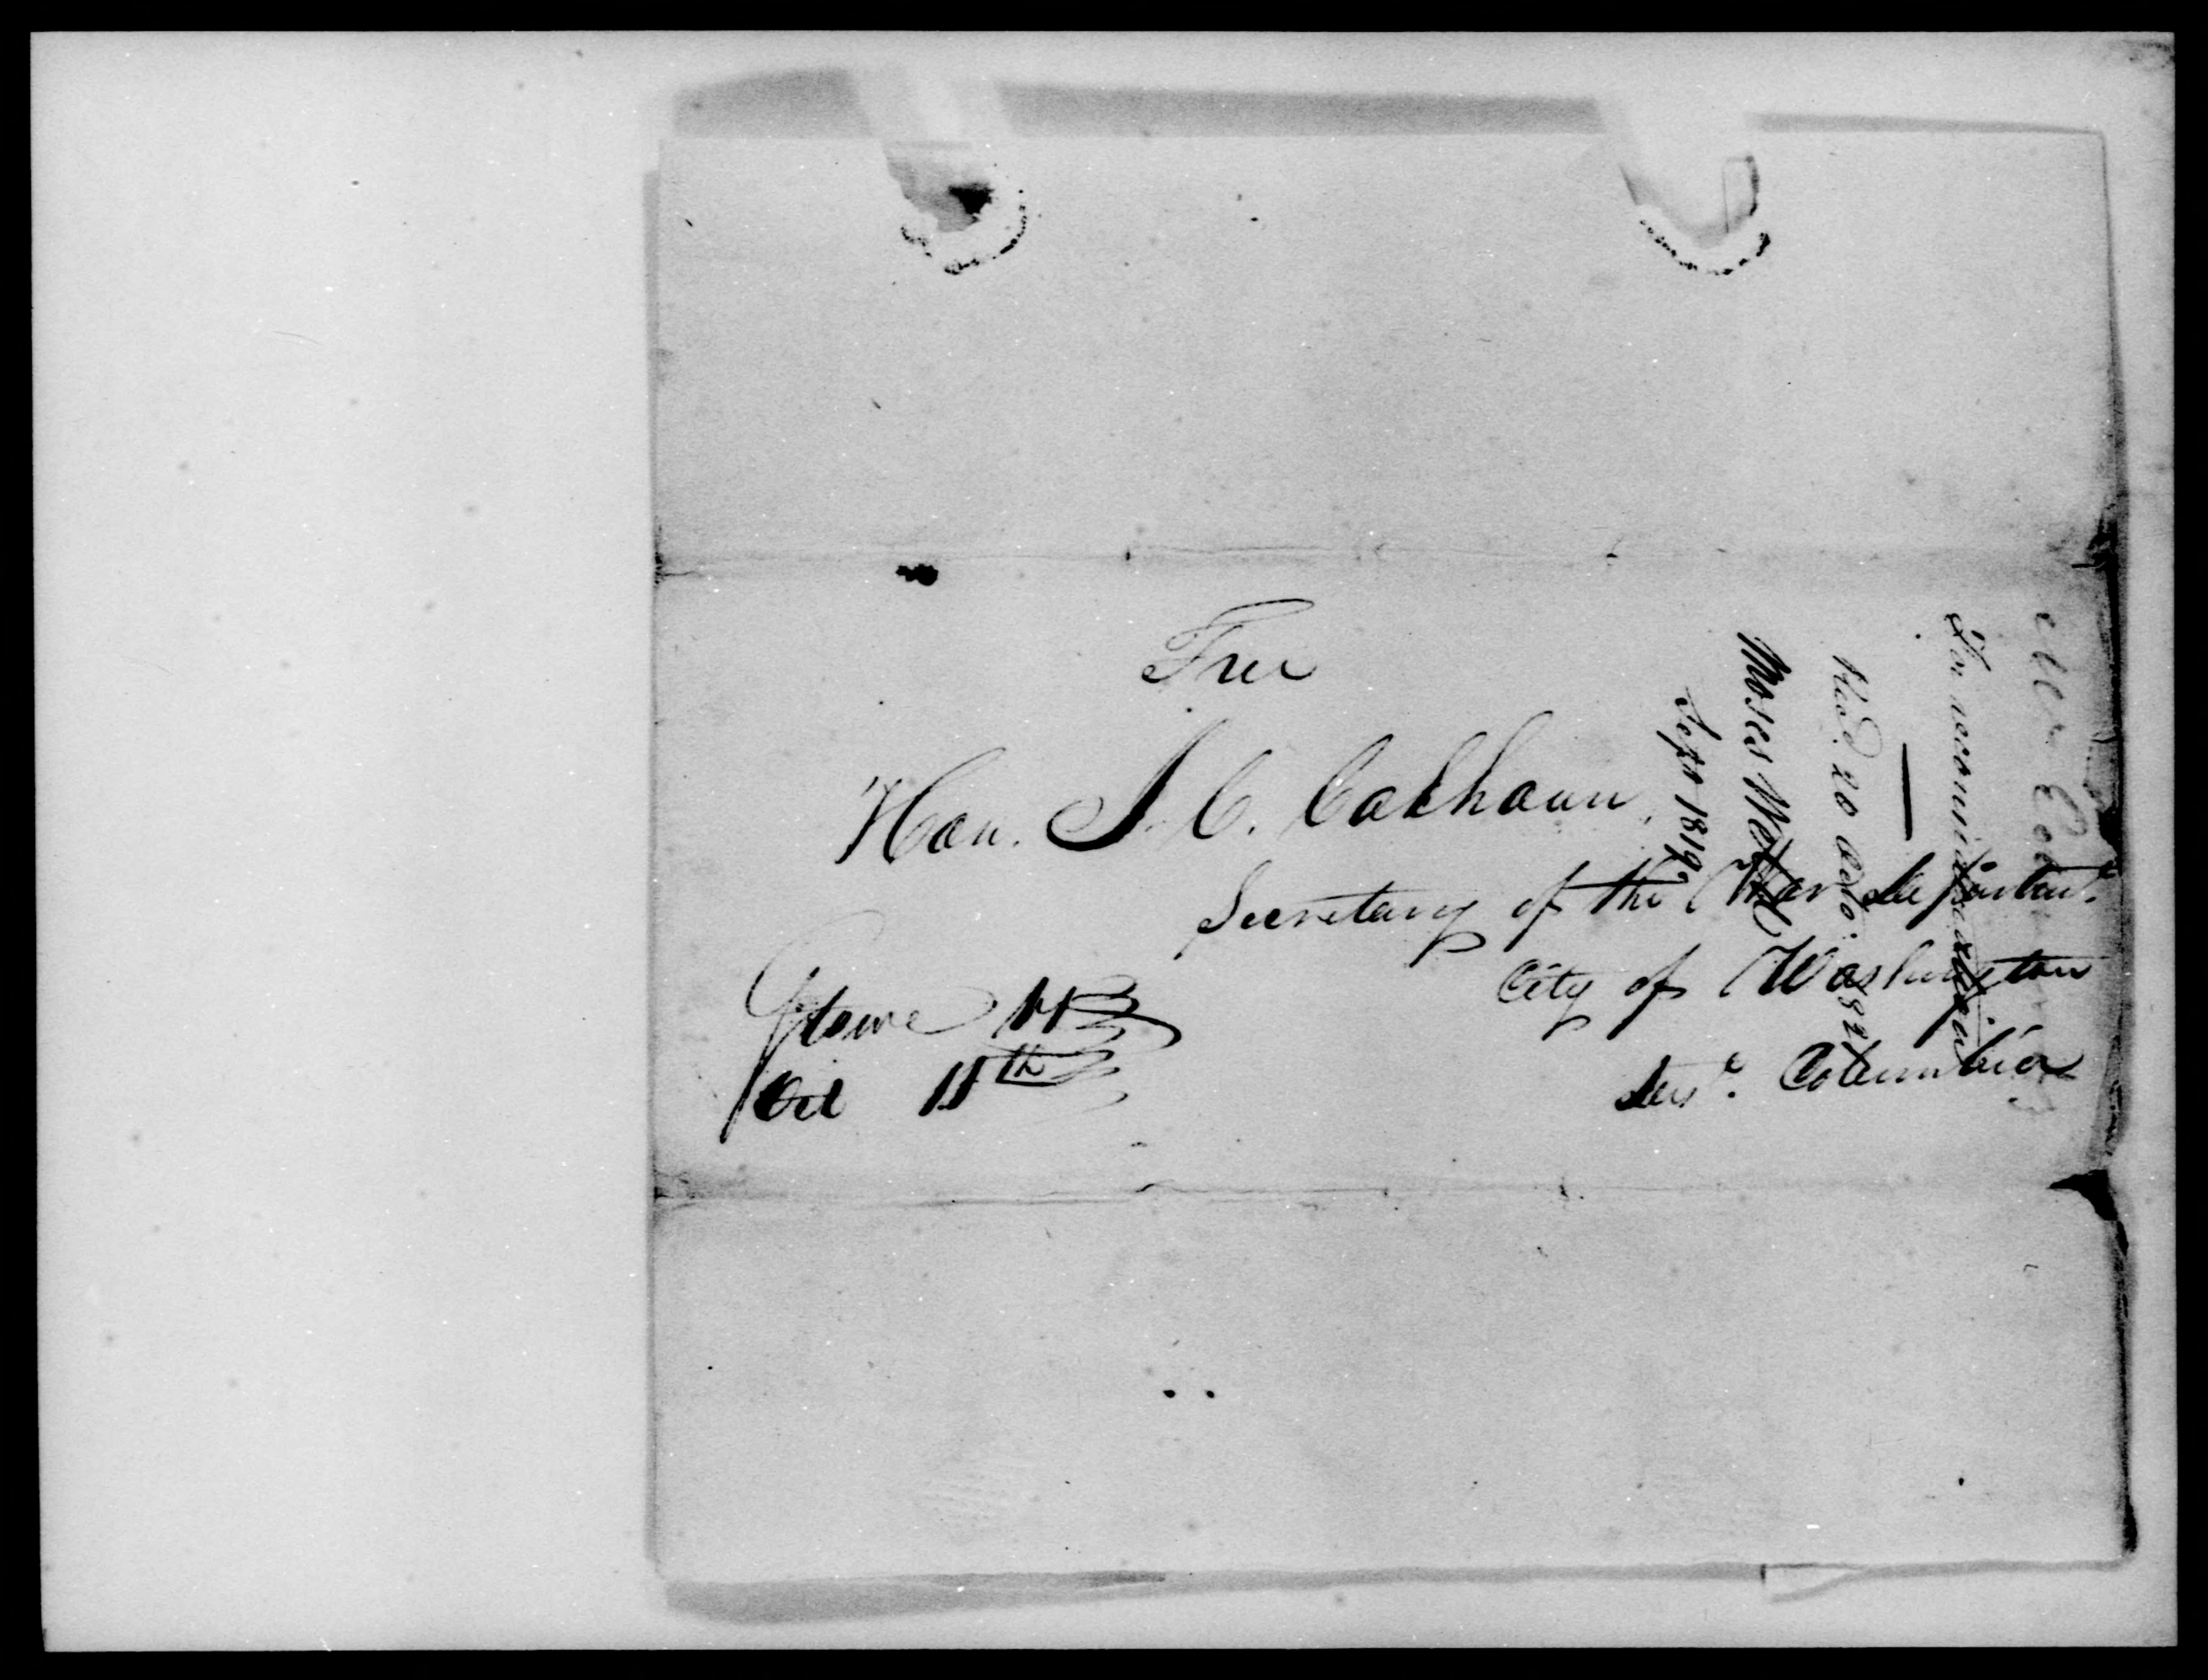[The]?
Hon. J.C. Calhaun
Sectretary of the War department
City of Washington
Dist Columbia
[?]
Oct 11th

Edit: The following was written over and 90 degrees to the address above:

Mr E___
For reconsideration [?]
[?] 20 Octo 1821
Moses Weld
Sept 1819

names: Edwards, Moses Weld, J C Calhaun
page: 23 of 87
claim: widow's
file: W. 25,966, Moses Weld, Mass.